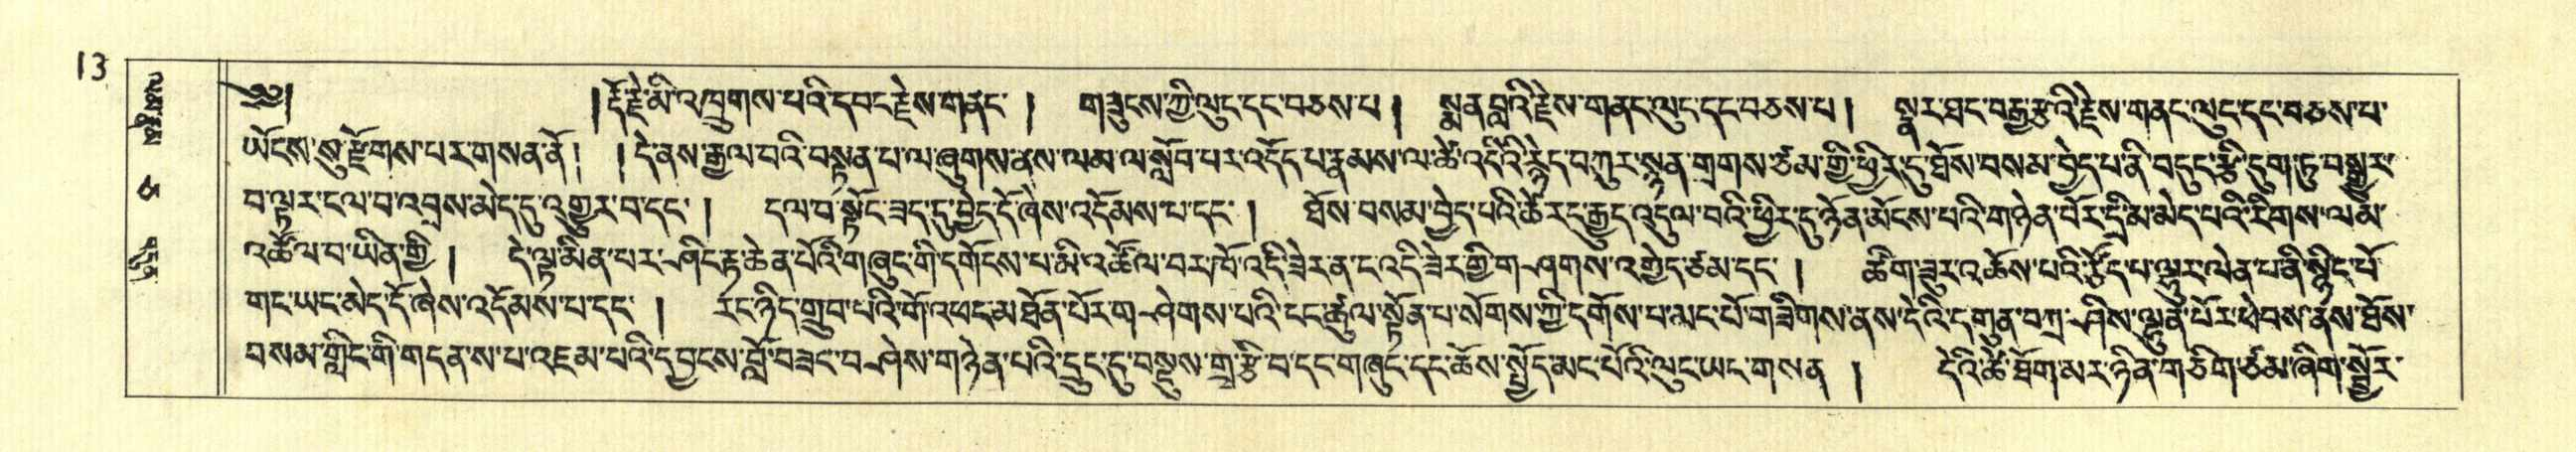༄༅། །རྡོ་རྗེ་མི་འཁྲུགས་པའི་དབང་རྗེས་གནང་། གཟུངས་ཀྱི་ལུང་དང་བཅས་པ། སྨན་བླའི་རྗེས་གནང་ལུང་དང་བཅས་པ། སྣར་ཐང་བརྒྱ་རྩའི་རྗེས་གནང་ལུང་དང་བཅས་པ་
ཡོངས་སུ་རྫོགས་པར་གསན་ནོ། །དེ་ནས་རྒྱལ་བའི་བསྟན་པ་ལ་ཞུགས་ནས་ལམ་ལ་སློབ་པར་འདོད་པ་རྣམས་ལ་ཚེ་འདིའི་རྙེད་བཀུར་སྙན་གྲགས་ཙམ་གྱི་ཕྱིར་དུ་ཐོས་བསམ་བྱེད་པ་ནི་བདུད་རྩི་དུག་ཏུ་བསྒྱུར་
བ་ལྟར་ངལ་བ་འབྲས་མེད་དུ་འགྱུར་བ་དང་། དལ་བ་སྟོང་ཟད་དུ་བྱེད་དོ་ཞེས་འདོམས་པ་དང་། ཐོས་བསམ་བྱེད་པའི་ཚེ་རང་རྒྱུད་འདུལ་བའི་ཕྱིར་དུ་ཉོན་མོངས་པའི་གཉེན་པོར་དྲི་མ་མེད་པའི་རིགས་ལམ་
འཚོལ་བ་ཡིན་གྱི། དེ་ལྟ་མིན་པར་ཤིང་རྟ་ཆེན་པོའི་གཞུང་གི་དགོངས་པ་མི་འཚོལ་བར་ཁོ་འདི་ཟེར་ན་ང་འདི་ཟེར་གྱི་གཤགས་འགྱེད་ཙམ་དང་། ཚིག་ཟུར་འཆོས་པའི་ཙོད་པ་ལྷུར་ལེན་པ་ནི་སྙིང་པོ་
གང་ཡང་མེད་དོ་ཞེས་འདོམས་པ་དང་། རང་ཉིད་གྲུབ་པའི་གོ་འཕང་མཐོན་པོར་གཤེགས་པའི་ངང་ཚུལ་སྟོན་པ་སོགས་ཀྱི་དགོས་པ་མང་པོ་གཟིགས་ནས་དེའི་དགུན་བཀྲ་ཤིས་ལྷུན་པོར་ཕེབས་ནས་ཐོས་
བསམ་གླིང་གི་གདན་ས་པ་འཇམ་པའི་དབྱངས་བློ་བཟང་བཤེས་གཉེན་པའི་དྲུང་དུ་བསྡུས་གྲྭ་རྩི་བ་དང་གཞུང་དང་ཆོས་སྤྱོད་མང་པོའི་ལུང་ཡང་གསན། དེའི་ཚེ་ཐོག་མར་ཉིན་གཅིག་ཙམ་ཞིག་སྦྱོར་